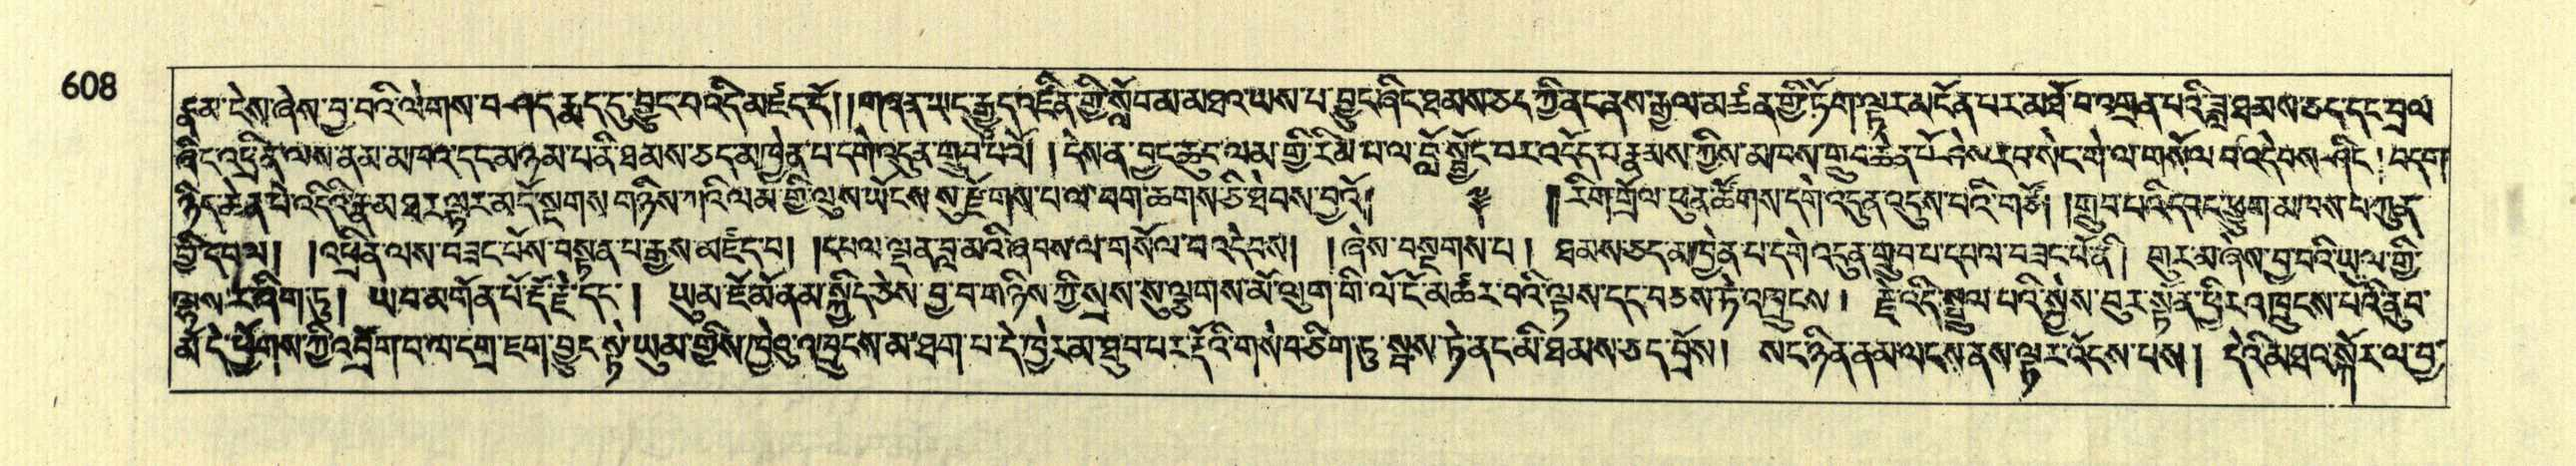རྣམ་ངེས་ཞེས་བྱ་བའི་ལེགས་བཤད་རྨད་དུ་བྱུང་བ་འདི་མཛད་དོ། །གཞན་ཡང་རྒྱུད་འཛིན་གྱི་སློབ་མ་མཐའ་ཡས་པ་བྱུང་ཞིང་ཐམས་ཅད་ཀྱི་ནང་ནས་རྒྱལ་མཚན་གྱི་ཏོག་ལྟར་མངོན་པར་མཐོ་བ་འགྲན་པའི་ཟླ་ཐམས་ཅད་དང་བྲལ་
ཞིང་འཕྲིན་ལས་ནམ་མཁའ་དང་མཉམ་པ་ནི་ཐམས་ཅད་མཁྱེན་པ་དགེ་འདུན་གྲུབ་པའོ། །དེས་ན་བྱང་ཆུབ་ལམ་གྱི་རིམ་པ་ལ་བློ་སྦྱོང་བར་འདོད་པ་རྣམས་ཀྱིས་མཁས་གྲུབ་ཆེན་པོ་ཤེས་རབ་སེང་གེ་ལ་གསོལ་བ་འདེབས་ཤིང་།བདག་
ཉིད་ཆེན་པོ་འདིའི་རྣ་མཐར་ལྟར་མདོ་སྔགས་གཉིས་ཀའི་ལམ་གྱི་ལུས་ཡོངས་སུ་རྫོགས་པ་ལ་བག་ཆགས་ཅི་ཐེབས་བྱའོ།། ༈ །།རིག་གྲོལ་ཕུན་ཚོགས་དགེ་འདུན་འདུས་པའི་གཙོ། །གྲུབ་པའི་དབང་ཕྱུག་མཁས་པ་ཀུན་
གྱི་དཔལ། །འཕྲིན་ལས་བཟང་པོས་བསྟན་པ་རྒྱས་མཛད་བ། །དཔལ་ལྡན་བླ་མའི་ཞབས་ལ་གསོལ་བ་འདེབས། །ཞེས་བསྔགས་པ། ཐམས་ཅད་མཁྱེན་པ་དགེ་འདུན་གྲུབ་པ་དཔལ་བཟང་པོ་ནི། གུར་མ་ཞེས་བྱ་བའི་ཡུལ་གྱི་
ལྷས་ར་ཞིག་ཏུ། ཡབ་མགོན་པོ་རྡོ་རྗེ་དང་། ཡུམ་ཇོ་མོ་ནམ་སྐྱིད་ཅེས་བྱ་བ་གཉིས་ཀྱི་སྲས་སུ་ལྕགས་མོ་ལུག་གི་ལོ་ངོ་མཚར་བའི་ལྟས་དང་བཅས་ཏེ་འཁྲུངས། རྗེ་འདི་སྤྲུལ་པའི་སྐྱེས་བུར་སྟོན་ཕྱིར་འཁྲུངས་པོའི་ནུབ་
མོ་དེ་ཕྱོགས་ཀྱི་འབྲོག་བ་ལ་དགྲ་ཇག་བྱུང་སྟེ་ཡུམ་གྱིས་ཁྱེའུ་འཁྲུངས་མ་ཐག་པ་དེ་ཁྱེར་མ་ཐུབ་པར་རྡོའི་གསེབ་ཅིག་ཏུ་སྦས་ཏེ་ནང་མི་ཐམས་ཅད་བྲོས། སང་ཉིན་ནམ་ལངས་ནས་ལྟར་འོངས་པས། དེའི་མཐའ་སྐོར་ལ་བྱ་